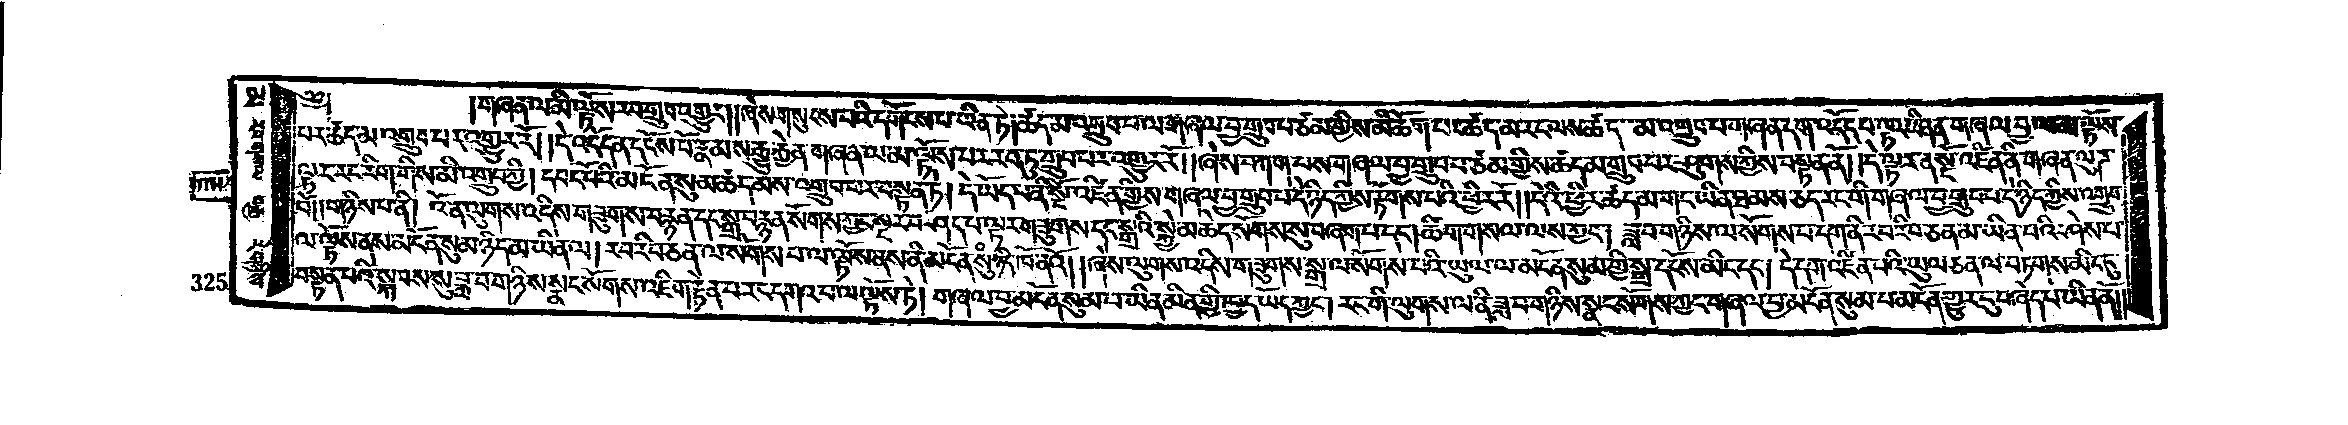༄༅། །གཞན་ལ་མི་ལྟོས་རབ་གྲུབ་འགྱུར། །ཞེས་གསུངས་པའི་དགོངས་པ་ཡིན་ཏེ། ཚད་མ་འགྲུབ་པ་ལ་གཞལ་བྱ་གྲུབ་པ་ཙམ་གྱིས་མི་ཆོག་པར་ཚད་མ་རང་ལས་ཚད་མ་འགྲུབ་པ་གཞན་དག་འདོད་པ་ལྟར་ཡིན་ན། གཞལ་བྱ་ལ་མ་ལྟོས་
པར་ཚད་མ་འགྲུབ་པར་འགྱུར་རོ། །དེ་འདོད་ན་དངོས་པོ་རྣམས་རྒྱུ་རྐྱེན་གཞན་ལ་མ་ལྟོས་པར་རབ་ཏུ་གྲུབ་པར་འགྱུར་རོ། །ཞེས་བཀག་པས་གཞལ་བྱ་གྲུབ་པ་ཙམ་གྱིས་ཚད་མ་གྲུབ་པར་ཤུགས་ཀྱིས་བསྟན་ནོ། །དེ་ལྟར་ན་སྔོ་འཛིན་ནི་གཞན་ལུགས་
ལྟར་རང་རིག་གིས་མི་འགྲུབ་ཀྱི། དབང་པོའི་མངོན་སུམ་ཚད་མས་འགྲུབ་པར་བསྟན་ཏེ། དེ་ཡོད་པ་ནི་སྔོ་འཛིན་གྱིས་གཞལ་བྱ་གྲུབ་པ་དེ་ཉིད་ཀྱིས་རྟོགས་པའི་ཕྱིར་རོ། །དེའི་ཕྱིར་ཚད་མ་གང་ཡིན་ཐམས་ཅད་རང་གི་གཞལ་བྱ་གྲུབ་པ་དེ་ཉིད་ཀྱིས་འགྲུབ་
བོ། །གཉིས་པ་ནི། འོ་ན་ལུགས་འདིས་གཟུགས་བརྙན་དང་སྒྲ་བརྙན་སོགས་ཀྱང་སྔར་བཤད་པ་ལྟར་གཟུགས་དང་སྒྲའི་སྐྱེ་མཆེད་སོགས་སུ་བཞག་པ་དང་། ཚིག་གསལ་ལས་ཀྱང་། ཟླ་བ་གཉིས་ལ་སོགས་པ་དག་ནི་རབ་རིབ་ཅན་མ་ཡིན་པའི་ཤེས་པ་
ལ་ལྟོས་ནས་མངོན་སུམ་ཉིད་མ་ཡིན་ལ། རབ་རིབ་ཅན་ལ་སོགས་པ་ལ་ལྟོས་ནས་ནི་མངོན་སུམ་ཉིད་ཁོ་ནའོ། །ཞེས་ལུགས་འདིས་གཟུགས་སྒྲ་ལ་སོགས་པའི་ཡུལ་ལ་མངོན་སུམ་གྱི་སྒྲ་དངོས་མིང་དང་། དེ་དག་འཛིན་པའི་ཡུལ་ཅན་ལ་བཏགས་མིང་དུ་
བསྟན་པའི་སྐབས་སུ་ཟླ་བ་གཉིས་སྣང་སོགས་འཇིག་རྟེན་པ་རང་དགའ་བ་ལ་ལྟོས་ཏེ། གཞལ་བྱ་མངོན་སུམ་པ་ཡིན་མིན་གྱི་ཁྱད་ཡོད་ཀྱང་། རང་གི་ལུགས་ལ་ནི་ཟླ་བ་གཉིས་སྣང་སོགས་ཀྱང་གཞལ་བྱ་མངོན་སུམ་པ་མངོན་གྱུར་དུ་བཞེད་པ་ཡིན་ནོ། །